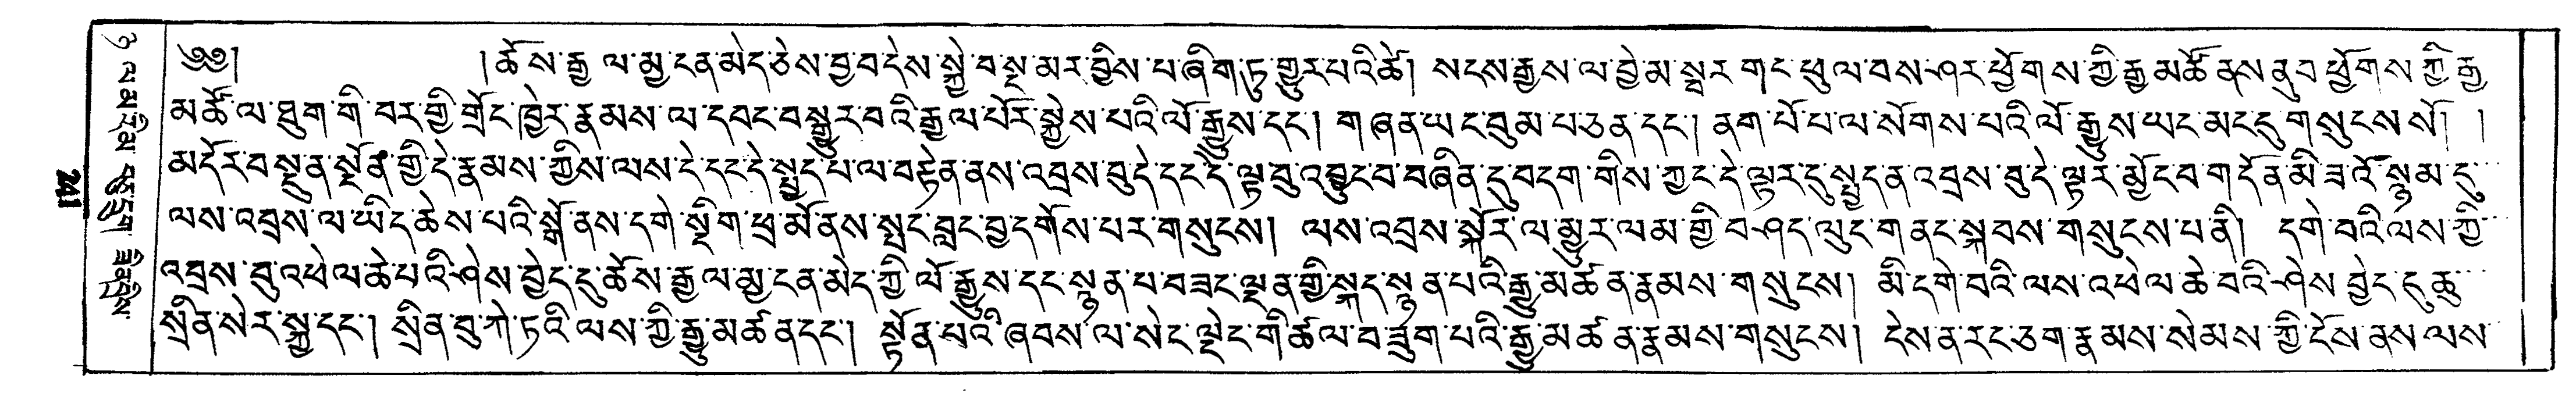༄༅། །ཆོས་རྒྱལ་མྱ་ངན་མེད་ཅེས་བྱ་བ་དེས་སྐྱེ་བ་སྔ་མར་བྱིས་པ་ཞིག་ཏུ་གྱུར་པའི་ཚེ། སངས་རྒྱས་ལ་བྱེ་མ་སྤར་གང་ཕུལ་བས་ཤར་ཕྱོགས་ཀྱི་རྒྱ་མཚོ་ནས་ནུབ་ཕྱོགས་ཀྱི་རྒྱ་
མཚོ་ལ་ཐུག་གི་བར་གྱི་གྲོང་ཁྱེར་རྣམས་ལ་དབང་བསྒྱུར་བའི་རྒྱལ་པོར་སྐྱེས་པའི་ལོ་རྒྱུས་དང?། གཞན་ཡང་བུམ་པ་ཅན་དང་། ནག་པོ་པ་ལ་སོགས་པའི་ལོ་རྒྱུས་ཡང་མང་དུ་གསུངས་སོ། །
མདོར་བསྡུ་ན་སྔོན་གྱི་དེ་རྣམས་ཀྱིས་ལས་དེ་དང་དེ་སྤྱད་པ་ལ་བརྟེན་ནས་འབྲས་བུ་དེ་དང་དེ་ལྟ་བུ་འབྱུང་བ་བཞིན་དུ་བདག་གིས་ཀྱང་དེ་ལྟར་དུ་སྤྱད་ན་འབྲས་བུ་དེ་ལྟར་མྱོང་བ་གདོན་མི་ཟའོ་སྙམ་དུ་
ལས་འབྲས་ལ་ཡིད་ཆེས་བའི་སྒོ་ནས་དགེ་སྡིག་ཕྲ་མོ་ནས་སྤང་བླང་བྱ་དགོས་པར་གསུངས། ལས་འབྲས་སྐོར་ལ་མྱུར་ལམ་གྱི་བཤད་ལུང་གནང་སྐབས་གསུངས་པ་ནི། དགེ་བའི་ལས་ཀྱི་
འབྲས་བུ་འཕེལ་ཆེ་བའི་ཤེས་བྱེད་དུ་ཆོས་རྒྱལ་མྱ་ངན་མེད་ཀྱི་ལོ་རྒྱུས་དང་སྙན་པ་བཟང་ལྡན་ཀྱི་སྐད་སྙན་པའི་རྒྱུ་མཚན་རྣམས་གསུངས། མི་དགེ་བའི་ལས་འཕེལ་ཆེ་བའི་ཤེས་བྱེད་དུ་ཆུ་
སྲིན་སེར་སྐྱ་དང་། སྲིན་བུ་ཀེ་ཏའི་ལས་ཀྱི་རྒྱུ་མཚན་དང་། སྟོན་པའི་ཞབས་ལ་སེང་ལྡེང་གི་ཚལ་བ་ཟུག་པའི་རྒྱུ་མཚན་རྣམས་གསུངས། ངེས་ན་རང་ཅག་རྣམས་སེམས་ཀྱི་ངོས་ནས་ལས་